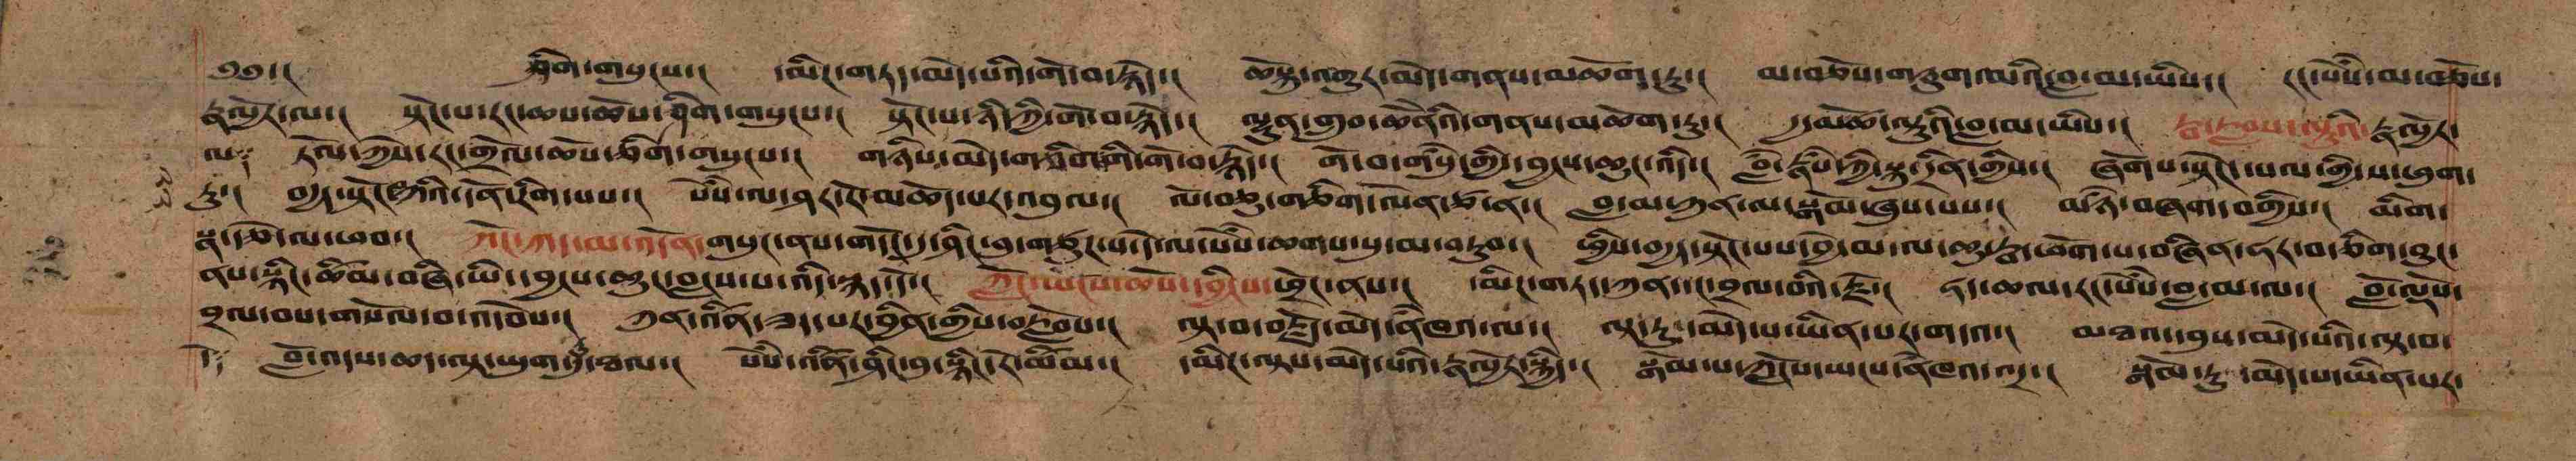༄༅།། ཤིག་གསུངས།། དམིགས་གཏད་མེད་པའི་གོ་བ་རྙེད།། ཆོས་སྐུ་འགྱུར་མེད་གནས་མཆོག་ཏུ།། མ་བཅོས་གཉུག་མའི་བླ་མ་ཡིས།། རང་སེམས་མ་བཅོས་
རྣལ་འབྱོར་ལ།། སྟོང་པ་རང་ཆས་ཆོས་ཤིག་གསུངས།། སྟོང་པ་ཉིད་ཀྱི་གོ་བ་རྙེད།། ལྷུན་གྲུབ་ཆེན་པོའི་གནས་མཆོག་ཏུ།། རྒྱ་མཚོ་ལྟ་བུའི་བླ་མ་ཡིས།། རྦ་རླབས་ལྟ་བུའི་རྣལ་འབྱོར་
ལ།། ཏོལ་སྐྱེས་རང་གྲོལ་ཆོས་ཅིག་གསུངས།། གཉིས་མེད་གཅིག་གི་གོ་བ་རྙེད།། གོ་བ་གསུམ་གྱི་དབྱངས་ཆུང་འདི།། བླ་མ་རྣམས་ཀྱི་སྐུ་དྲིན་གྱིས།། ཞོགས་པ་སྟེང་ཡལ་གྱི་ས་ཕུག་
ཏུ།། བརྒྱད་སྟོང་བཀའི་དོན་རིག་པས།། སེམས་ལ་ཤར་རེ་མཆོད་པར་འབུལ།། ལོ་བཅུ་གཅིག་ལོན་ཙ་ན།། བླ་མ་ཀུན་ལ་སྒོམ་ཞུས་པས།། མཉམ་བཞག་བགྱིས།། མིག་
སྣ་རྩེ་ལ་ཕབ། སྟོང་ཀད་མ་འདོན་གསུང་ནས་གདོང་དུ་ཤིང་བུ་བཙུགས་པ་དེ་ལ་སེམས་ཆགས་སུ་མ་བཏུབ། ཕྱིས་བརྒྱད་སྟོང་པས་བྱེ་མ་ལ་ཆུ་རྦ་ཕོག་པ་བཞིན་ཧར་བ་ཅིག་བྱུང་
ནས་སྙིང་ཚིམ་བཞི་ཡི་དབྱངས་ཆུང་བླངས་པ་འདི་སྐད་དོ།། ཀློང་ཡངས་ཆོས་དབྱིངས་ཕོ་བྲང་ནས།། དམིགས་གཏད་ཀུན་དང་བྲལ་བའི་རྗེ།། ཧད་ཆལ་རང་སེམས་བླ་མ་ལ།། བློ་ལྡོག་
བྲལ་བས་གསོལ་བ་འདེབས།། ཀུན་འཛིན་ཟད་པར་བྱིན་གྱིས་རློབས།། ལྟ་བ་བརྗོད་མེད་ནམ་མཁའ་ལ།། ལྟ་རྒྱུ་མེད་པ་ཡིན་པར་གདའ།། མཐའ་དབུས་མེད་པའི་ལྟ་བ་
དེ།། བློ་འདས་ཆད་ལྟ་བ་ཡུག་སུ་ཐལ།། སེམས་འཛིན་ཤིང་བུ་སྙིང་རེ་ཚིམ།། དམིགས་ལྟས་མེད་པའི་རྣལ་འབྱོར་སྐྱིད།། སྒོམ་པ་ཀློང་ཡངས་ནམ་མཁའ་འདྲ།། སྒོམ་རྒྱུ་མེད་པ་ཡིན་པར་